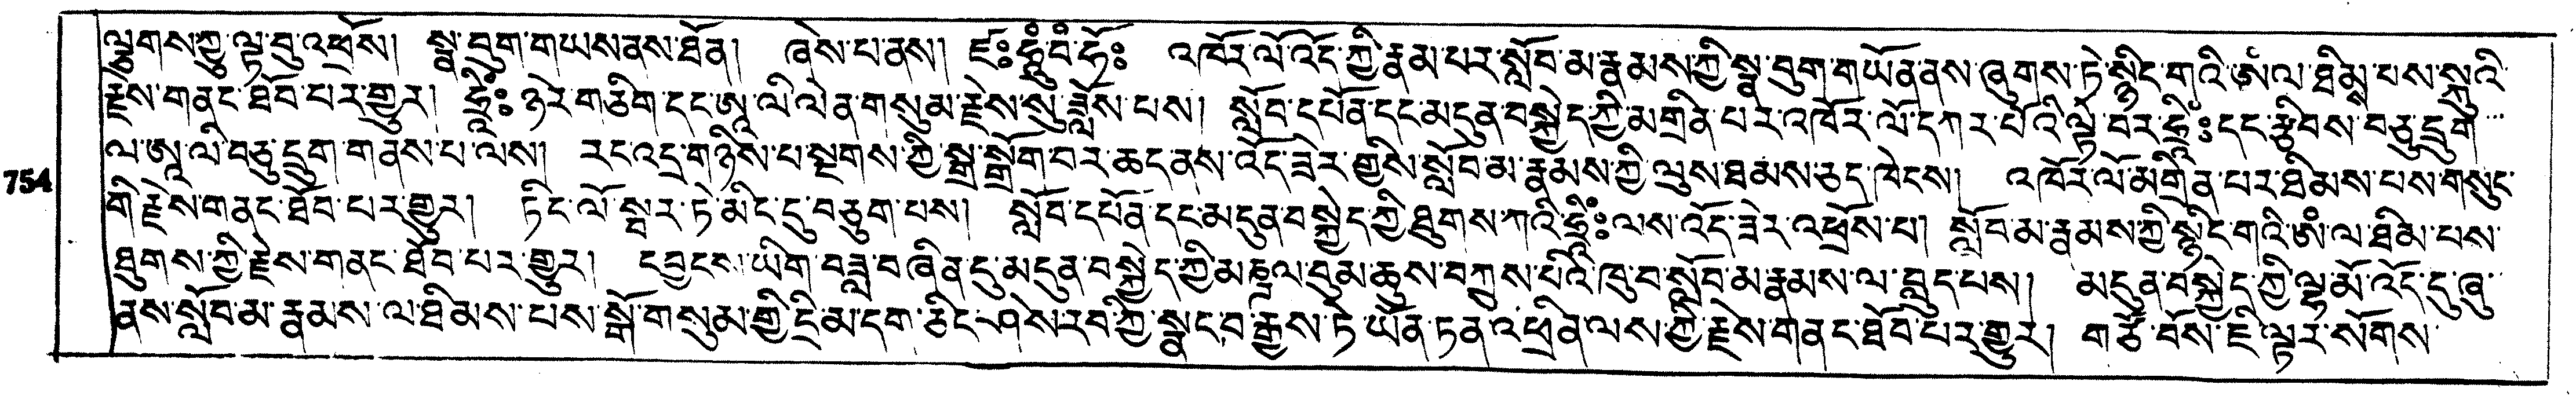ལྕགས་ཀྱུ་ལྟ་བུ་འཕྲོས། སྣ་བུག་གཡས་ནས་ཐོན། ཞེས་པ་ནས། ཛཿ ཧཱུཾ་བཾ་ཧོཿ འཁོར་ལོ་འོད་ཀྱི་རྣམ་པར་སློབ་མ་རྣམས་ཀྱི་སྣ་བུག་གཡོན་ནས་ཞུགས་ཏེ་སྙིང་གའི་ཨཾ་ལ་ཐིམས་པས་སྐུའི་
རྗེས་གནང་ཐོབ་པར་གྱུར། ཧྲཱིཾཿ ཉེར་གཅིག་དང་ཨཱ་ལི་ལེན་གསུམ་རྗེས་སུ་ཟློས་པས། སློབ་དཔོན་དང་མདུན་བསྐྱེད་ཀྱི་མགྲིན་པར་འཁོར་ལོ་དཀར་པོའི་ལྟེ་བར་ཧྲཱིཾཿ དང་རྩིབས་བཅུ་དྲུག་
ལ་ཨཱ་ལི་བཅུ་དྲུག་གནས་པ་ལས། རང་འདྲ་གཉིས་པ་སྔགས་ཀྱི་སྒྲ་སྒྲོག་བར་ཆད་ནས་འོད་ཟེར་གྱིས་སློབ་མ་རྣམས་ཀྱི་ལུས་ཐམས་ཅད་ཁེངས། འཁོར་ལོ་མགྲིན་པར་ཐིམས་པས་གསུང་
གི་རྗེས་གནང་ཐོབ་པར་གྱུར། ཏིང་ལོ་སྦར་ཏེ་མིང་དུ་བཅུག་པས། སློབ་དཔོན་དང་མདུན་བསྐྱེད་ཀྱི་ཐུགས་ཀའི་ཧྲཱིཾཿ ལས་འོད་ཟེར་འཕྲོས་པ། སློབ་མ་རྣམས་ཀྱི་སྙིང་གའི་ཨཾ་ལ་ཐིམ་པས་
ཐུགས་ཀྱི་རྗེས་གནང་ཐོབ་པར་གྱུར། དབྱངས་ཡིག་བཟླ་བཞིན་དུ་མདུན་བསྐྱེད་ཀྱི་མཎྜལ་བུམ་ཆུས་བཀྲུས་པའི་ཁུ་བ་སློབ་མ་རྣམས་ལ་བླུད་པས། མདུན་བསྐྱེད་ཀྱི་ལྷ་མོ་འོད་དུ་ཞུ་
ནས་སློབ་མ་རྣམས་ལ་ཐིམས་པས་སྒོ་གསུམ་གྱི་དྲི་མ་དག་ཅིང་ཤེས་རབ་ཀྱི་སྣང་བ་རྒྱས་ཏེ་ཡོན་ཏེན་འཕྲིན་ལས་ཀྱི་རྗེས་གནང་ཐོབ་པར་གྱུར། གཙོ་བོ་ཇི་ལྟར་སོགས་